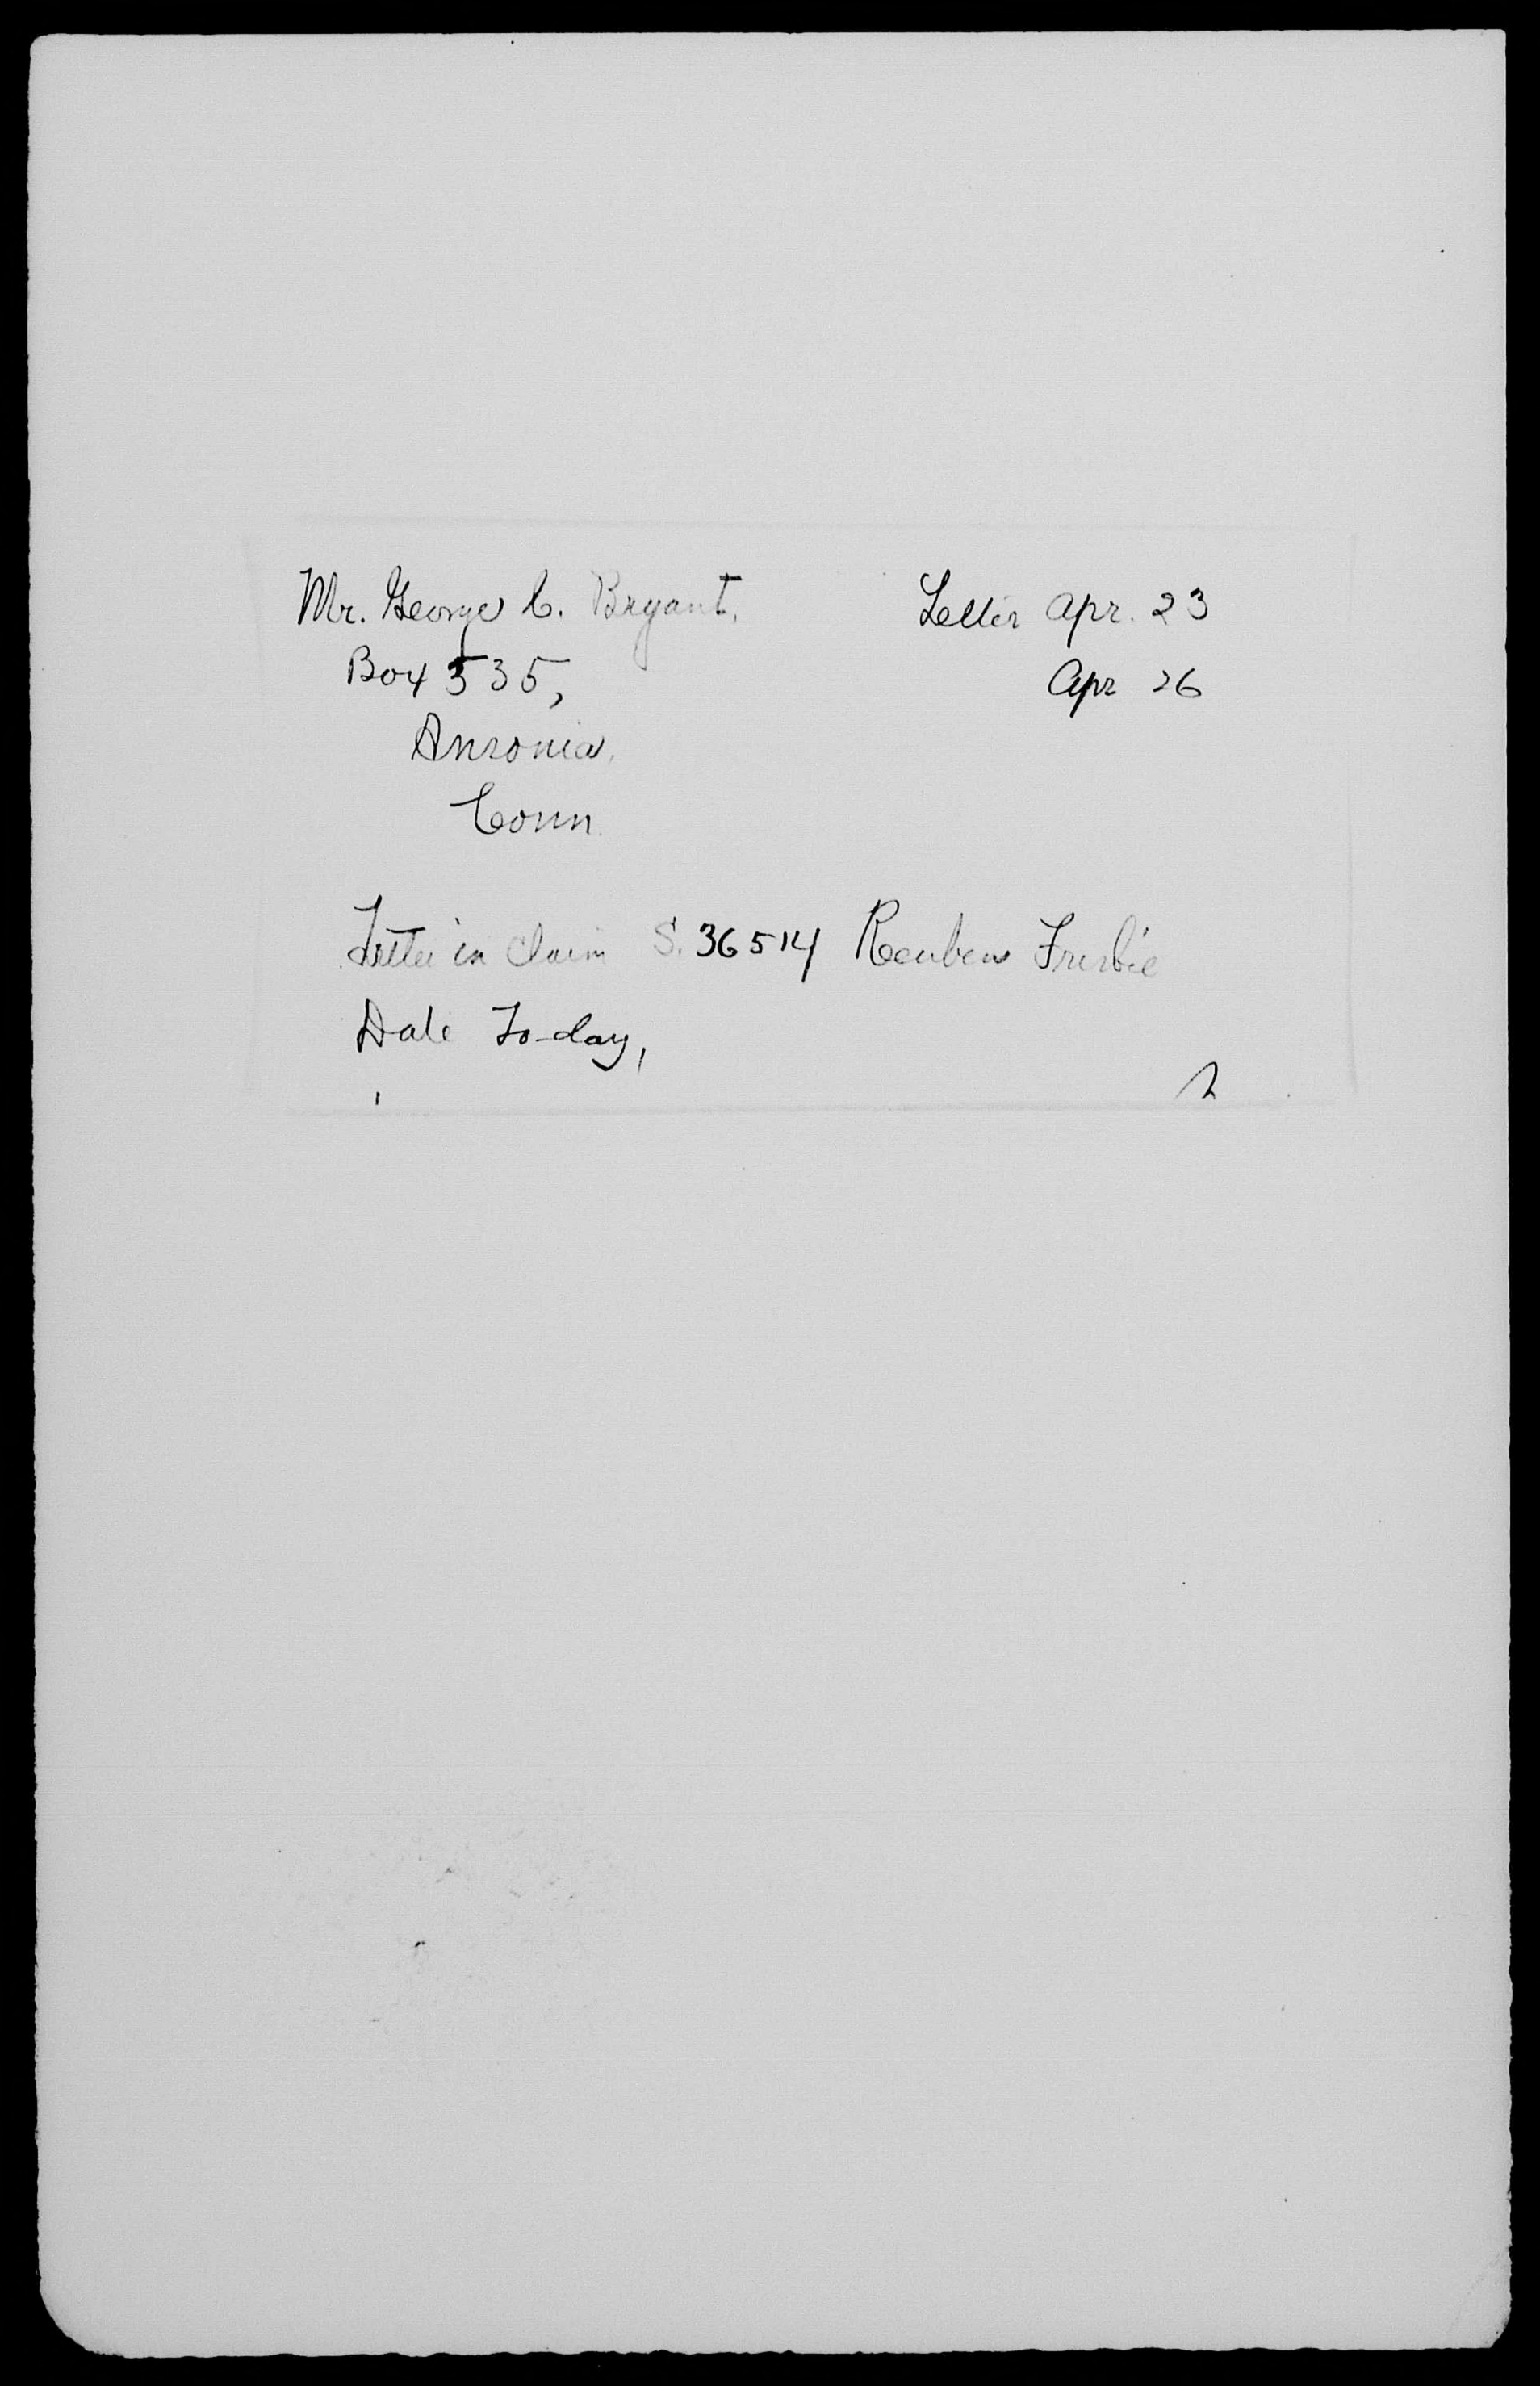Mr. George C. Bryant. Box 335 Ansonia Conn Letter Apr. 23 Apr 26 Letter in claim S. 36514 Reuben Frisbie Date Today ,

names: Reuben Frisbie, George C Bryant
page: 38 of 45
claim: survivor's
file: S. 15748, Elihu Benham, Conn.